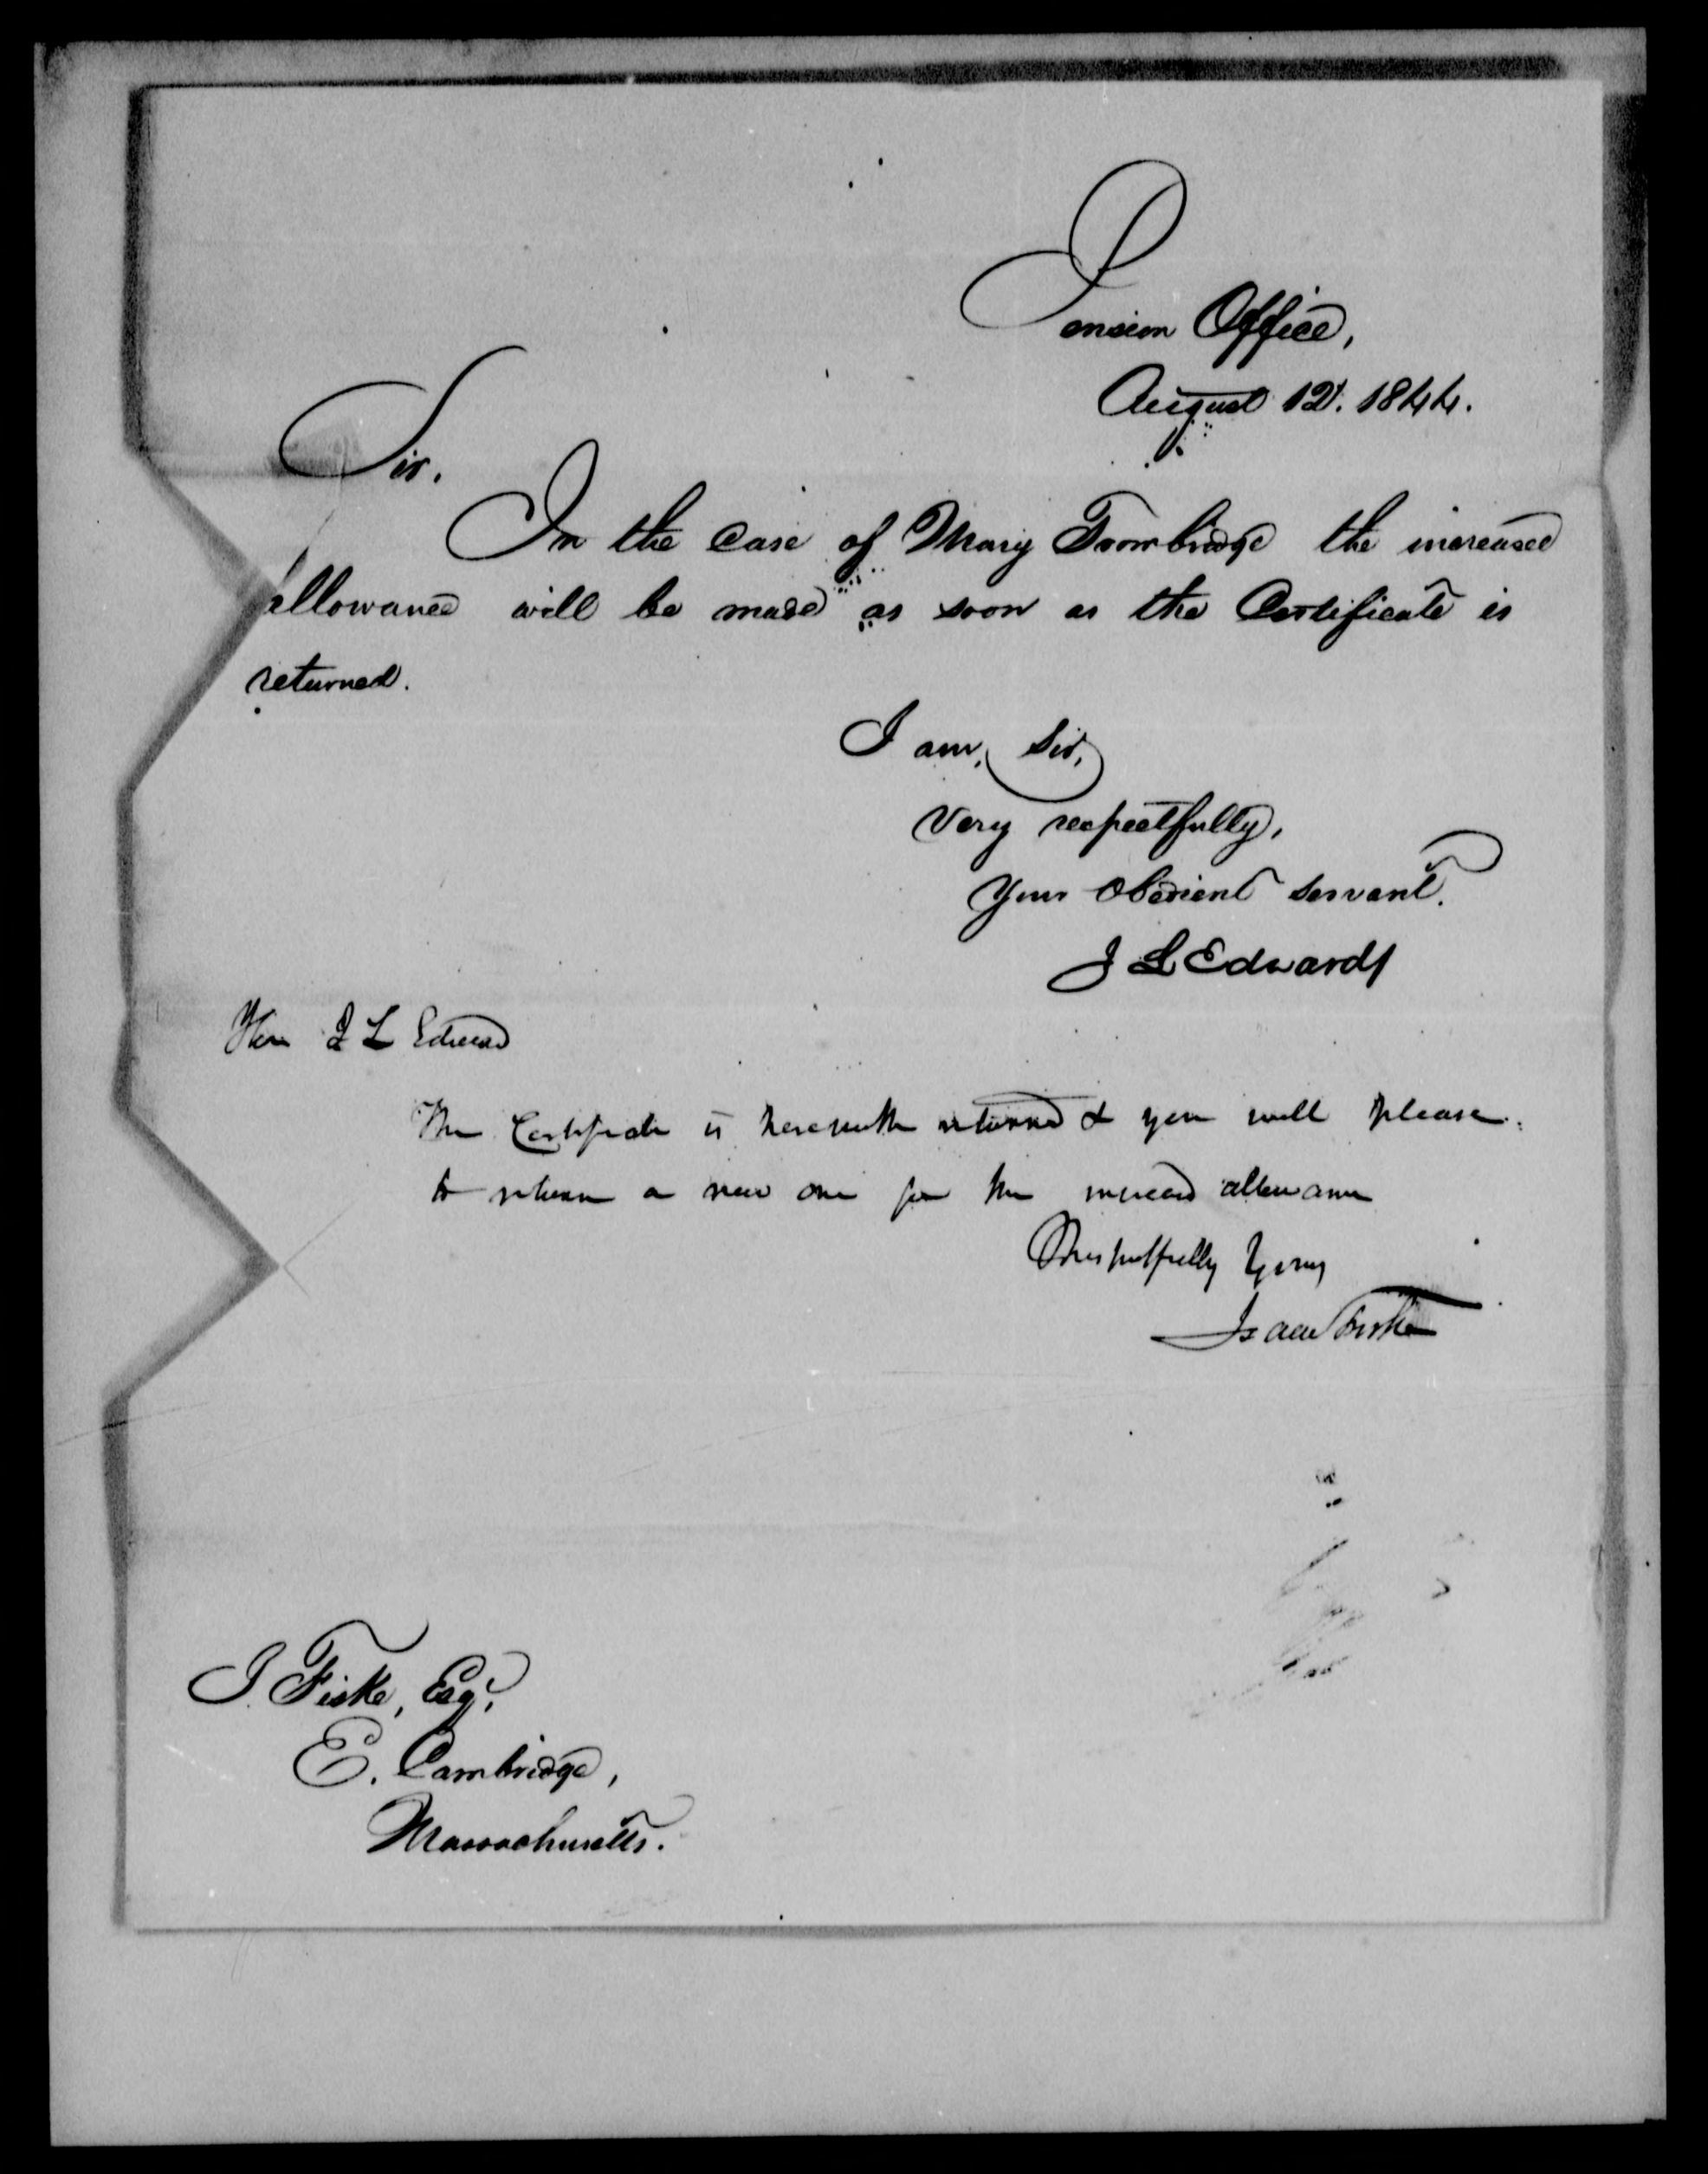Pension Office,
August 12. 1844.
Sir,
In the case of Mary Trowbridge the increased
allowance will be made as soon as the certificate is returned.
I am, Sir,
Very respectfully,
Your obedient servant.
J L Edwards
returned.
Hon J L Edward
The certificate is herewith returned & you will please
to return a new one for her increased allowance
Respectfully Yours
Isaac Fiske
I Fiske, Esq
E. Cambridge,
Massachusetts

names: J L Edwards, I Fiske, Isaac Fiske, J L Edward, Mary Trowbridge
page: 18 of 34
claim: widow's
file: W. 15439, John Trowbridge, Mass.